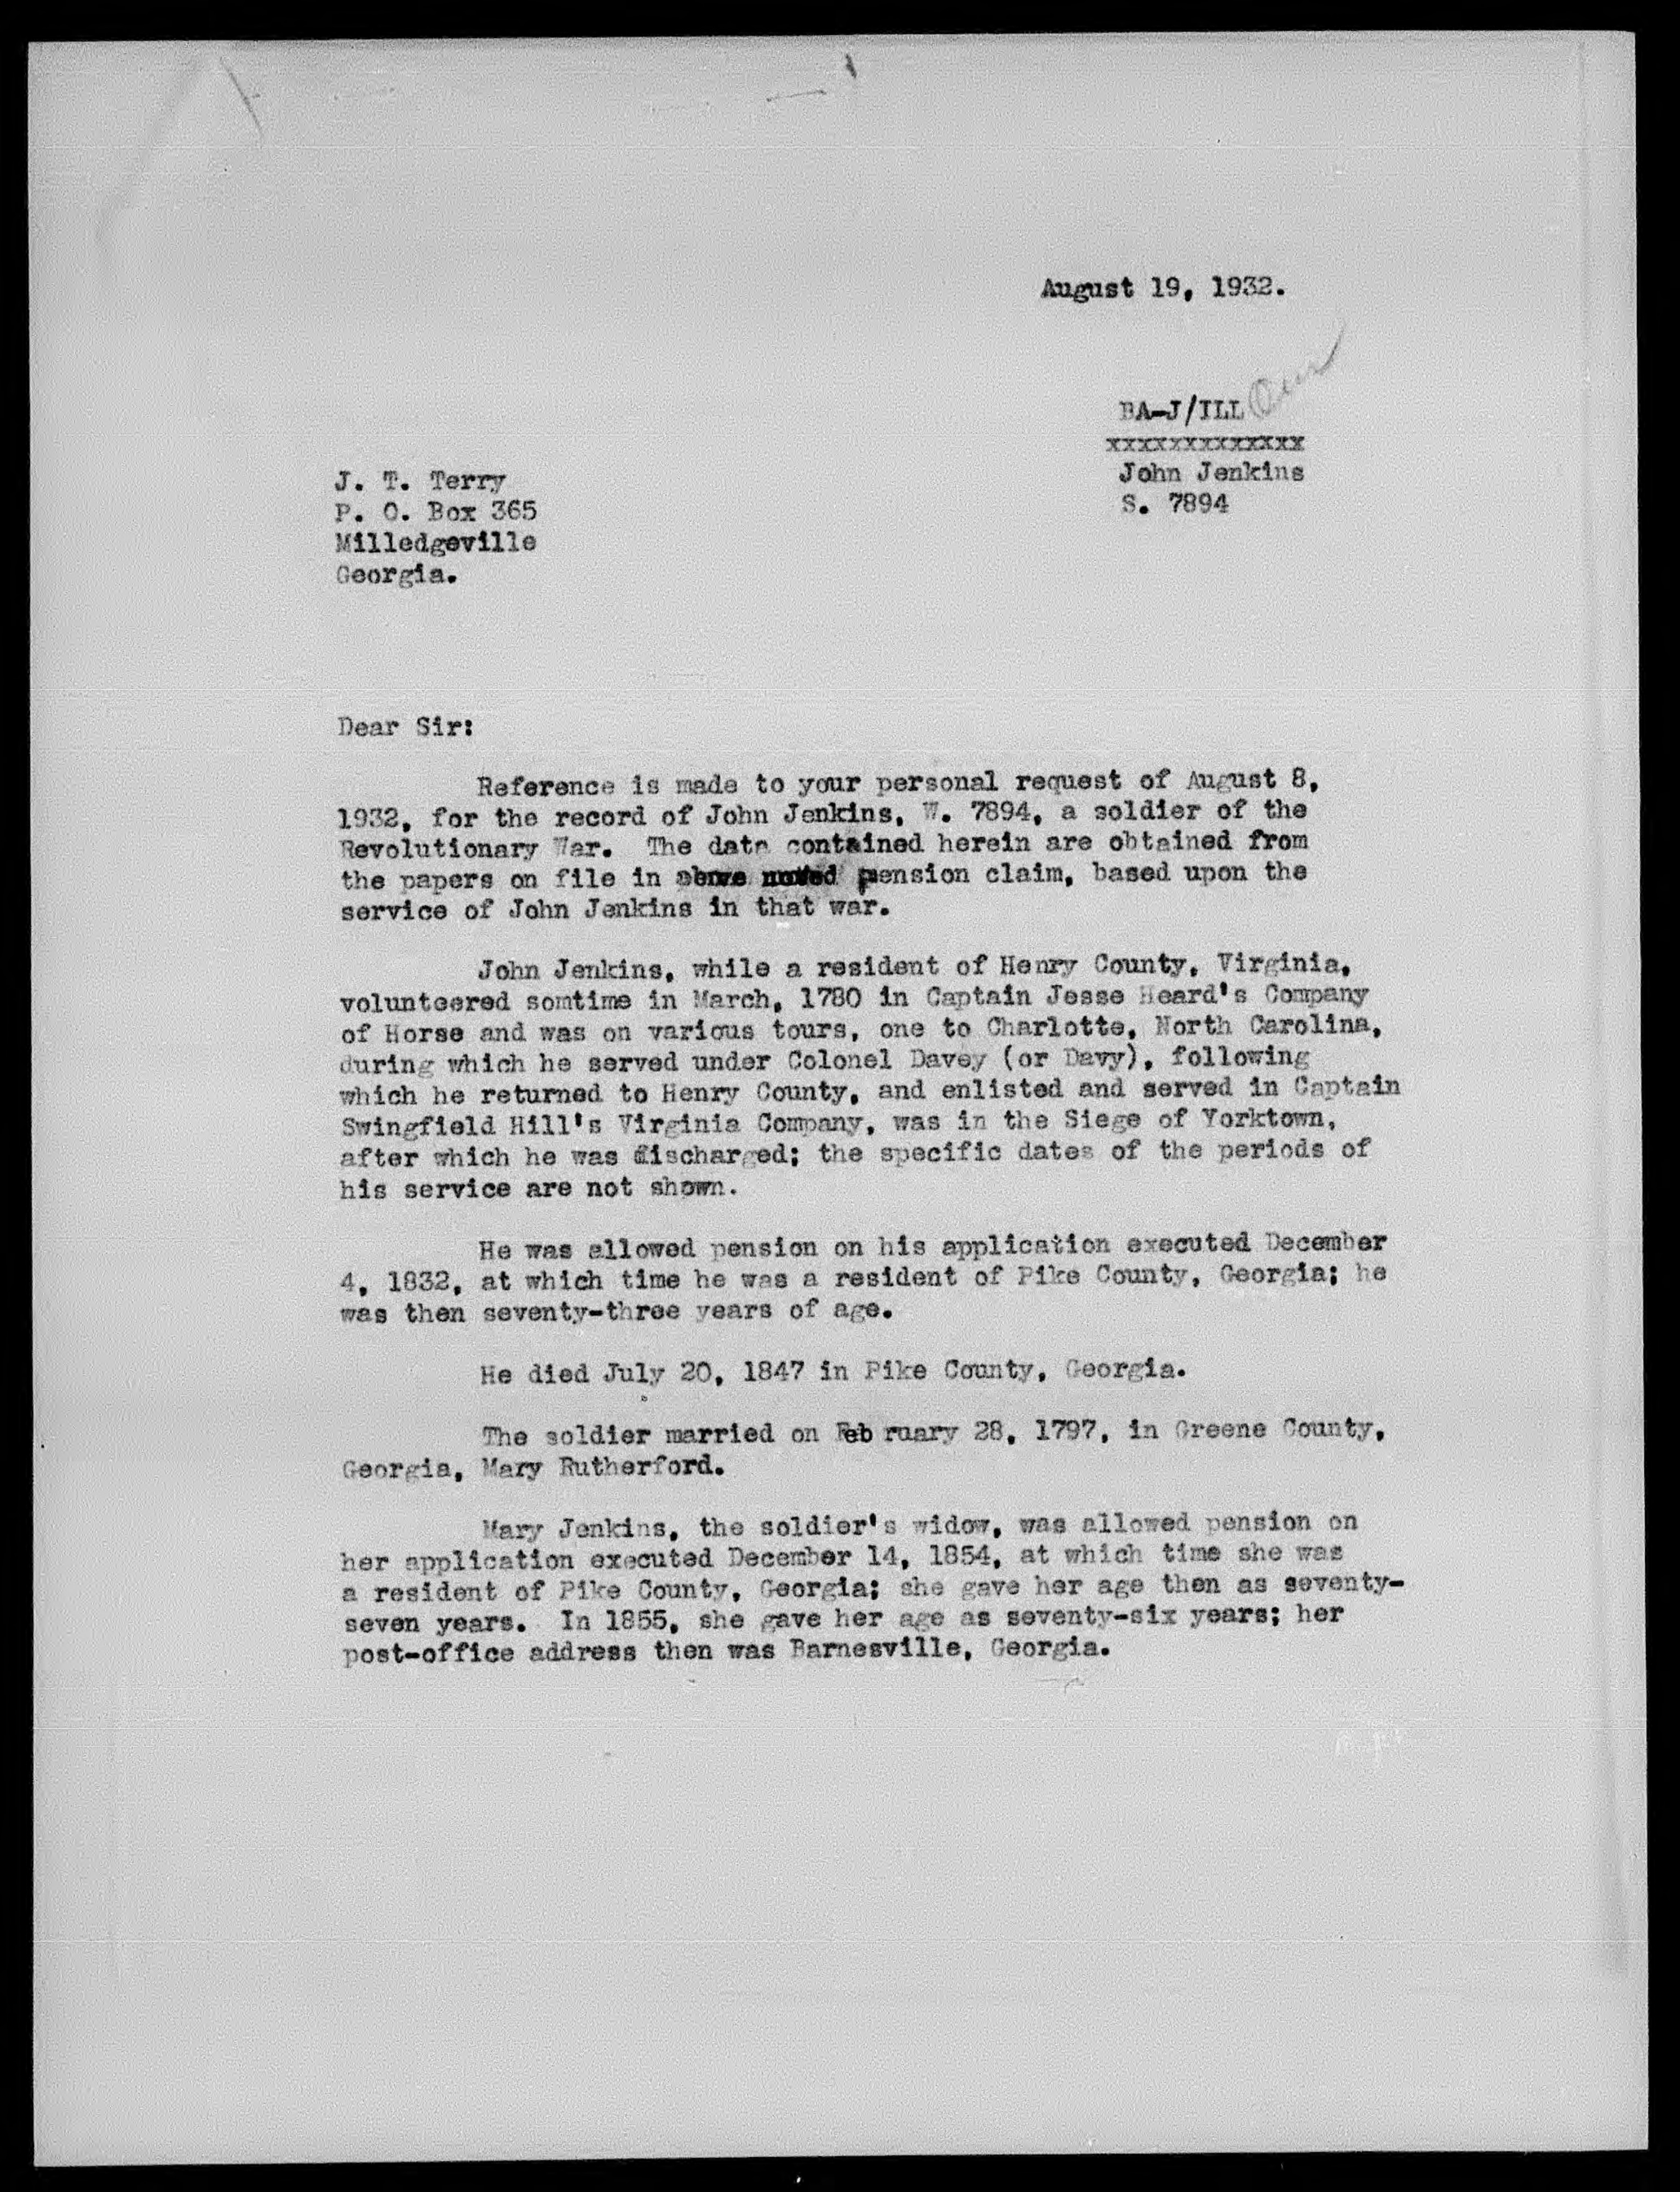August 19, 1932.
BA-J/ILL
John Jenkins
S. 7894
J. T. Terry
P. O. Box 365
Milledgeville
Georgia.
Dear Sir:
Reference is made to your personal request of August 8, 1932, for the record of John Jenkins, W. 7894, a soldier of the Revolutionary War. The data contained herein are obtained from
the papers on file in above noted pension claim, based upon the service of John Jenkins in that war. John Jenkins, while a resident of Henry County, Virginia, volunteered somtime in March, 1780 in Captain Jesse Heard's Company of Horse and was on various tours, one to Charlotte, North Carolina, during which he served under Colonel Davey (or Davy), following which he returned to Henry County, and enlisted and served in Captain Swingfield Hill's Virginia Company, was in the Siege of Yorktown, after which he was discharged; the specific dates of the periods of his service are not shown. He was allowed pension on his application executed December 4, 1832, at which time he was a resident of Pike County, Georgia; he was then seventy-three years of age. He died July 20, 1847 in Pike County, Georgia. The soldier married on February 28, 1797, in Greene County, Georgia, Mary Rutherford. Mary Jenkins, the soldier's widow, was allowed pension on her application executed December 14, 1854, at which time she was a resident of Pike County, Georgia; she gave her age then as seventy seven years. In 1855, she gave her age as seventy-six years; her post-office address then was Barnesville, Georgia.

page: 24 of 55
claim: widow's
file: W. 7894, for John Jenkins, Virginia